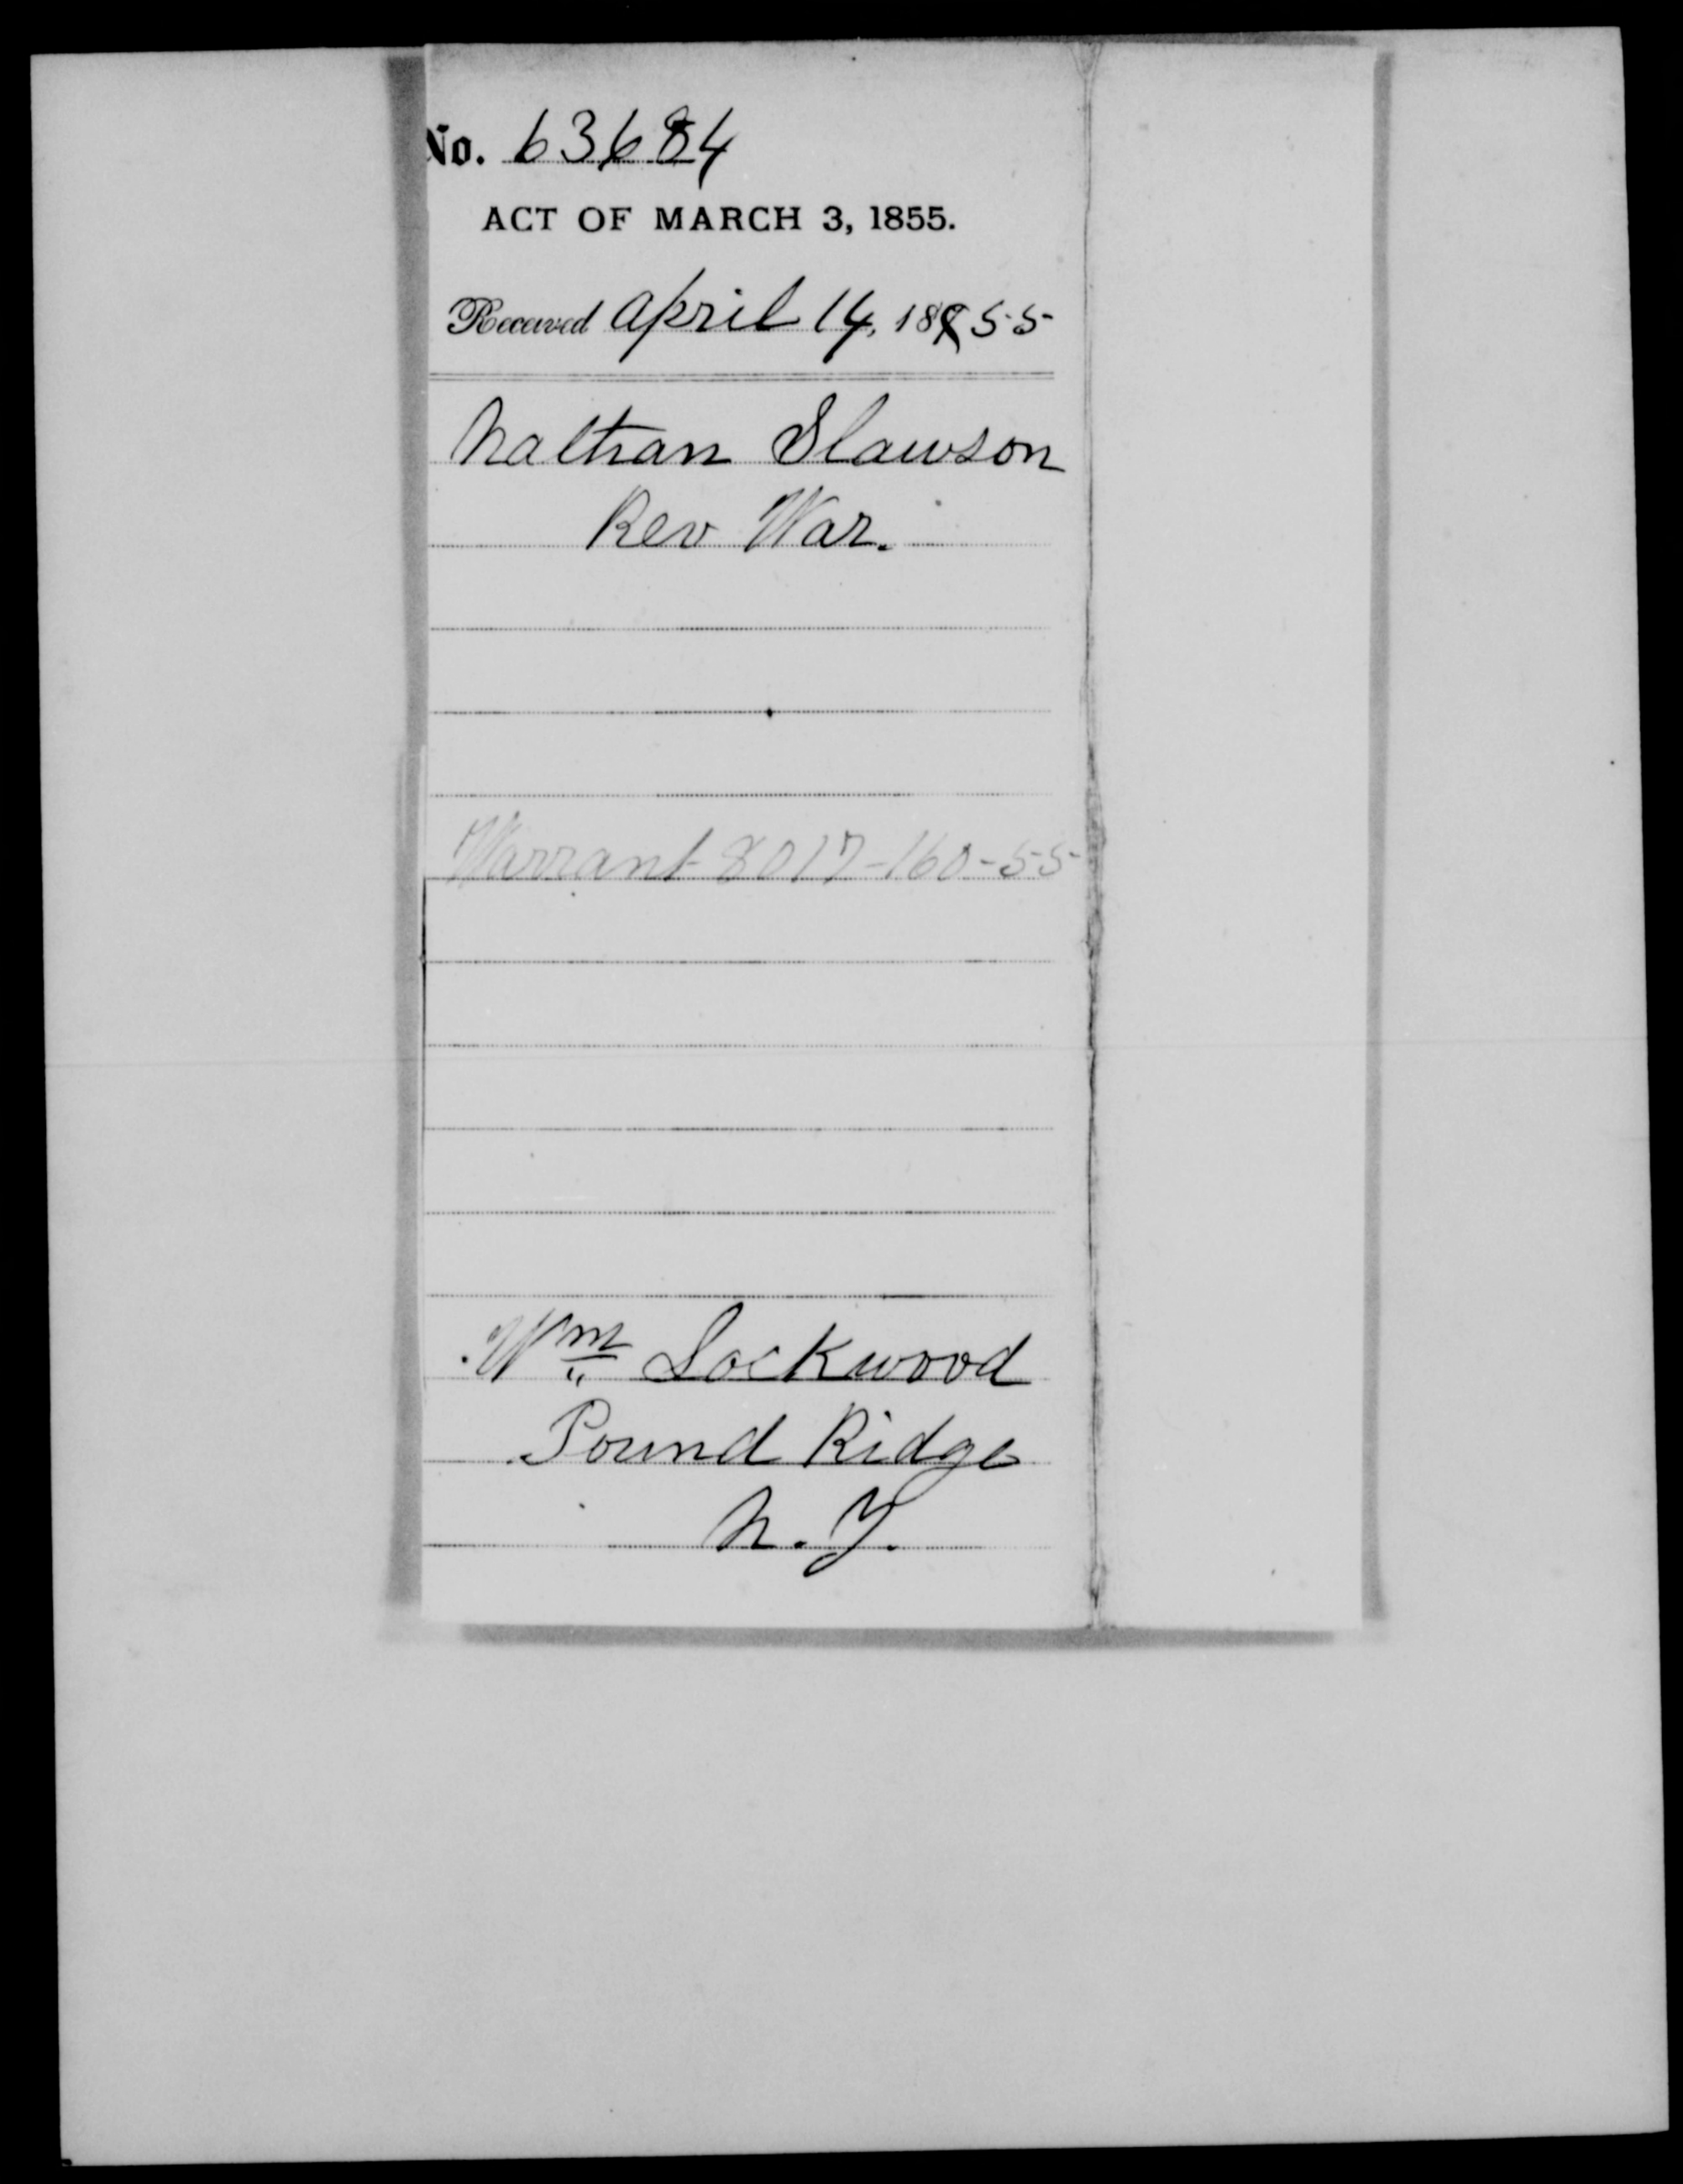No. 63684 
ACT OF MARCH 3, 1855. 
Received April 14, 1855  
Nathan Slawson 
Rev War 
Warrant 8017-160-55 
Wm Lockwood 
Pound Ridge N. Y.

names: Nathan Slawson; Wm Lockwood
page: 34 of 87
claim: widow's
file: W. 22,226, for Nathan Slawson, Connecticut